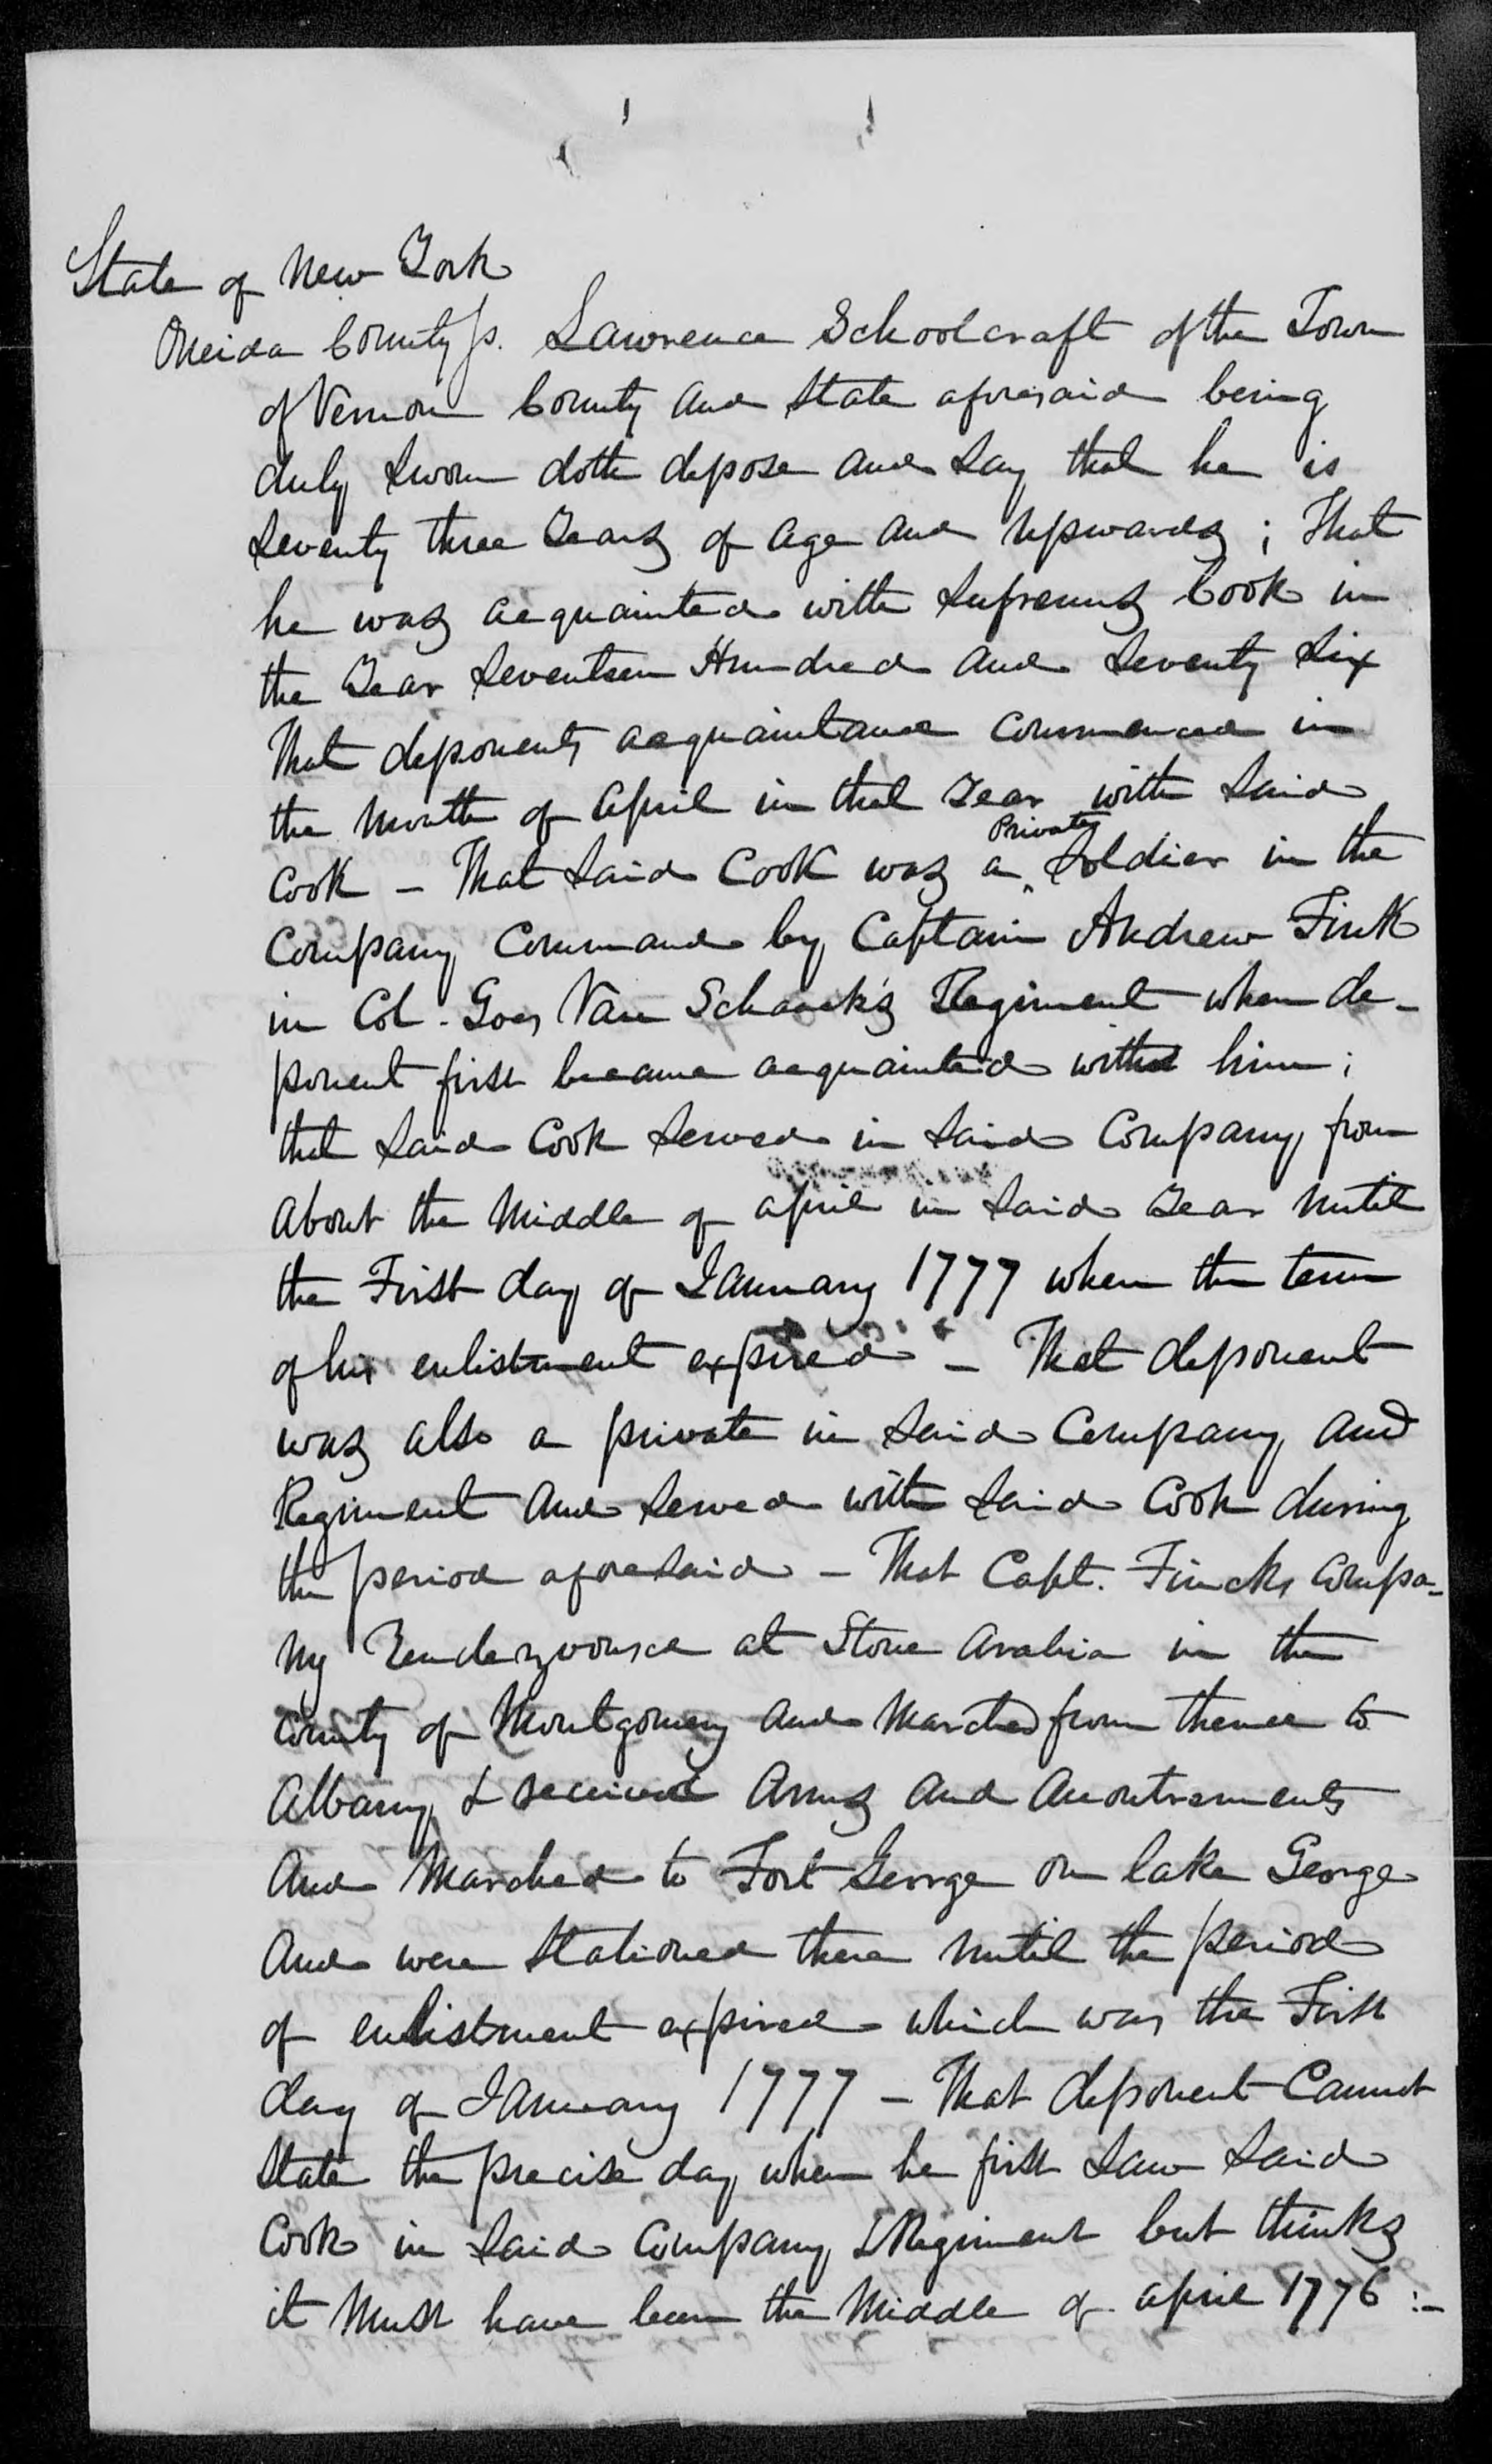State of New York
Oneida County ss. Lawrence Schoolcraft of the Town of Vernon County and State aforesaid being duly sworn doth depose and say that he is Seventy three years of age and upwards, 

That he was acquainted with Severinus Cook in
the year Seventeen Hundred and Seventy Six
that deponents acquaintance commenced in
the month of April in the year with said
Cook - 

That said Cook was a Private soldier in the company command by Captain Andrew Fink in Col. Goes Van Schaack's Regiment when deponent first became acquainted with him; that said Cook served in said Company from
about the middle of April in said year until
the First day of January 1777 when the term of his enlistment expired - That deponent was also a private in said Company and
Regiment and served with said Cook during the period aforesaid - 

That Capt. Fincks company rendezvoused at Stone Arabia in the County of Montgomery and Marched from thence to Albany & received arms and accoutrements and Marched to Fort George on lake George and were stationed there until the period of enlistment expired which was the First day of January 1777 - 

That deponent cannot State the precise day when he first saw said Cook in said Company & Regiment but thinks it must have been the Middle of April 1776:-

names: Cook, Cook, Cook, Lawrence Schoolcraft, George, Cook, Cook, Cook, Andrew Fink, George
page: 43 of 51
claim: survivor's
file: S. 12563, Severinus Cook, New York